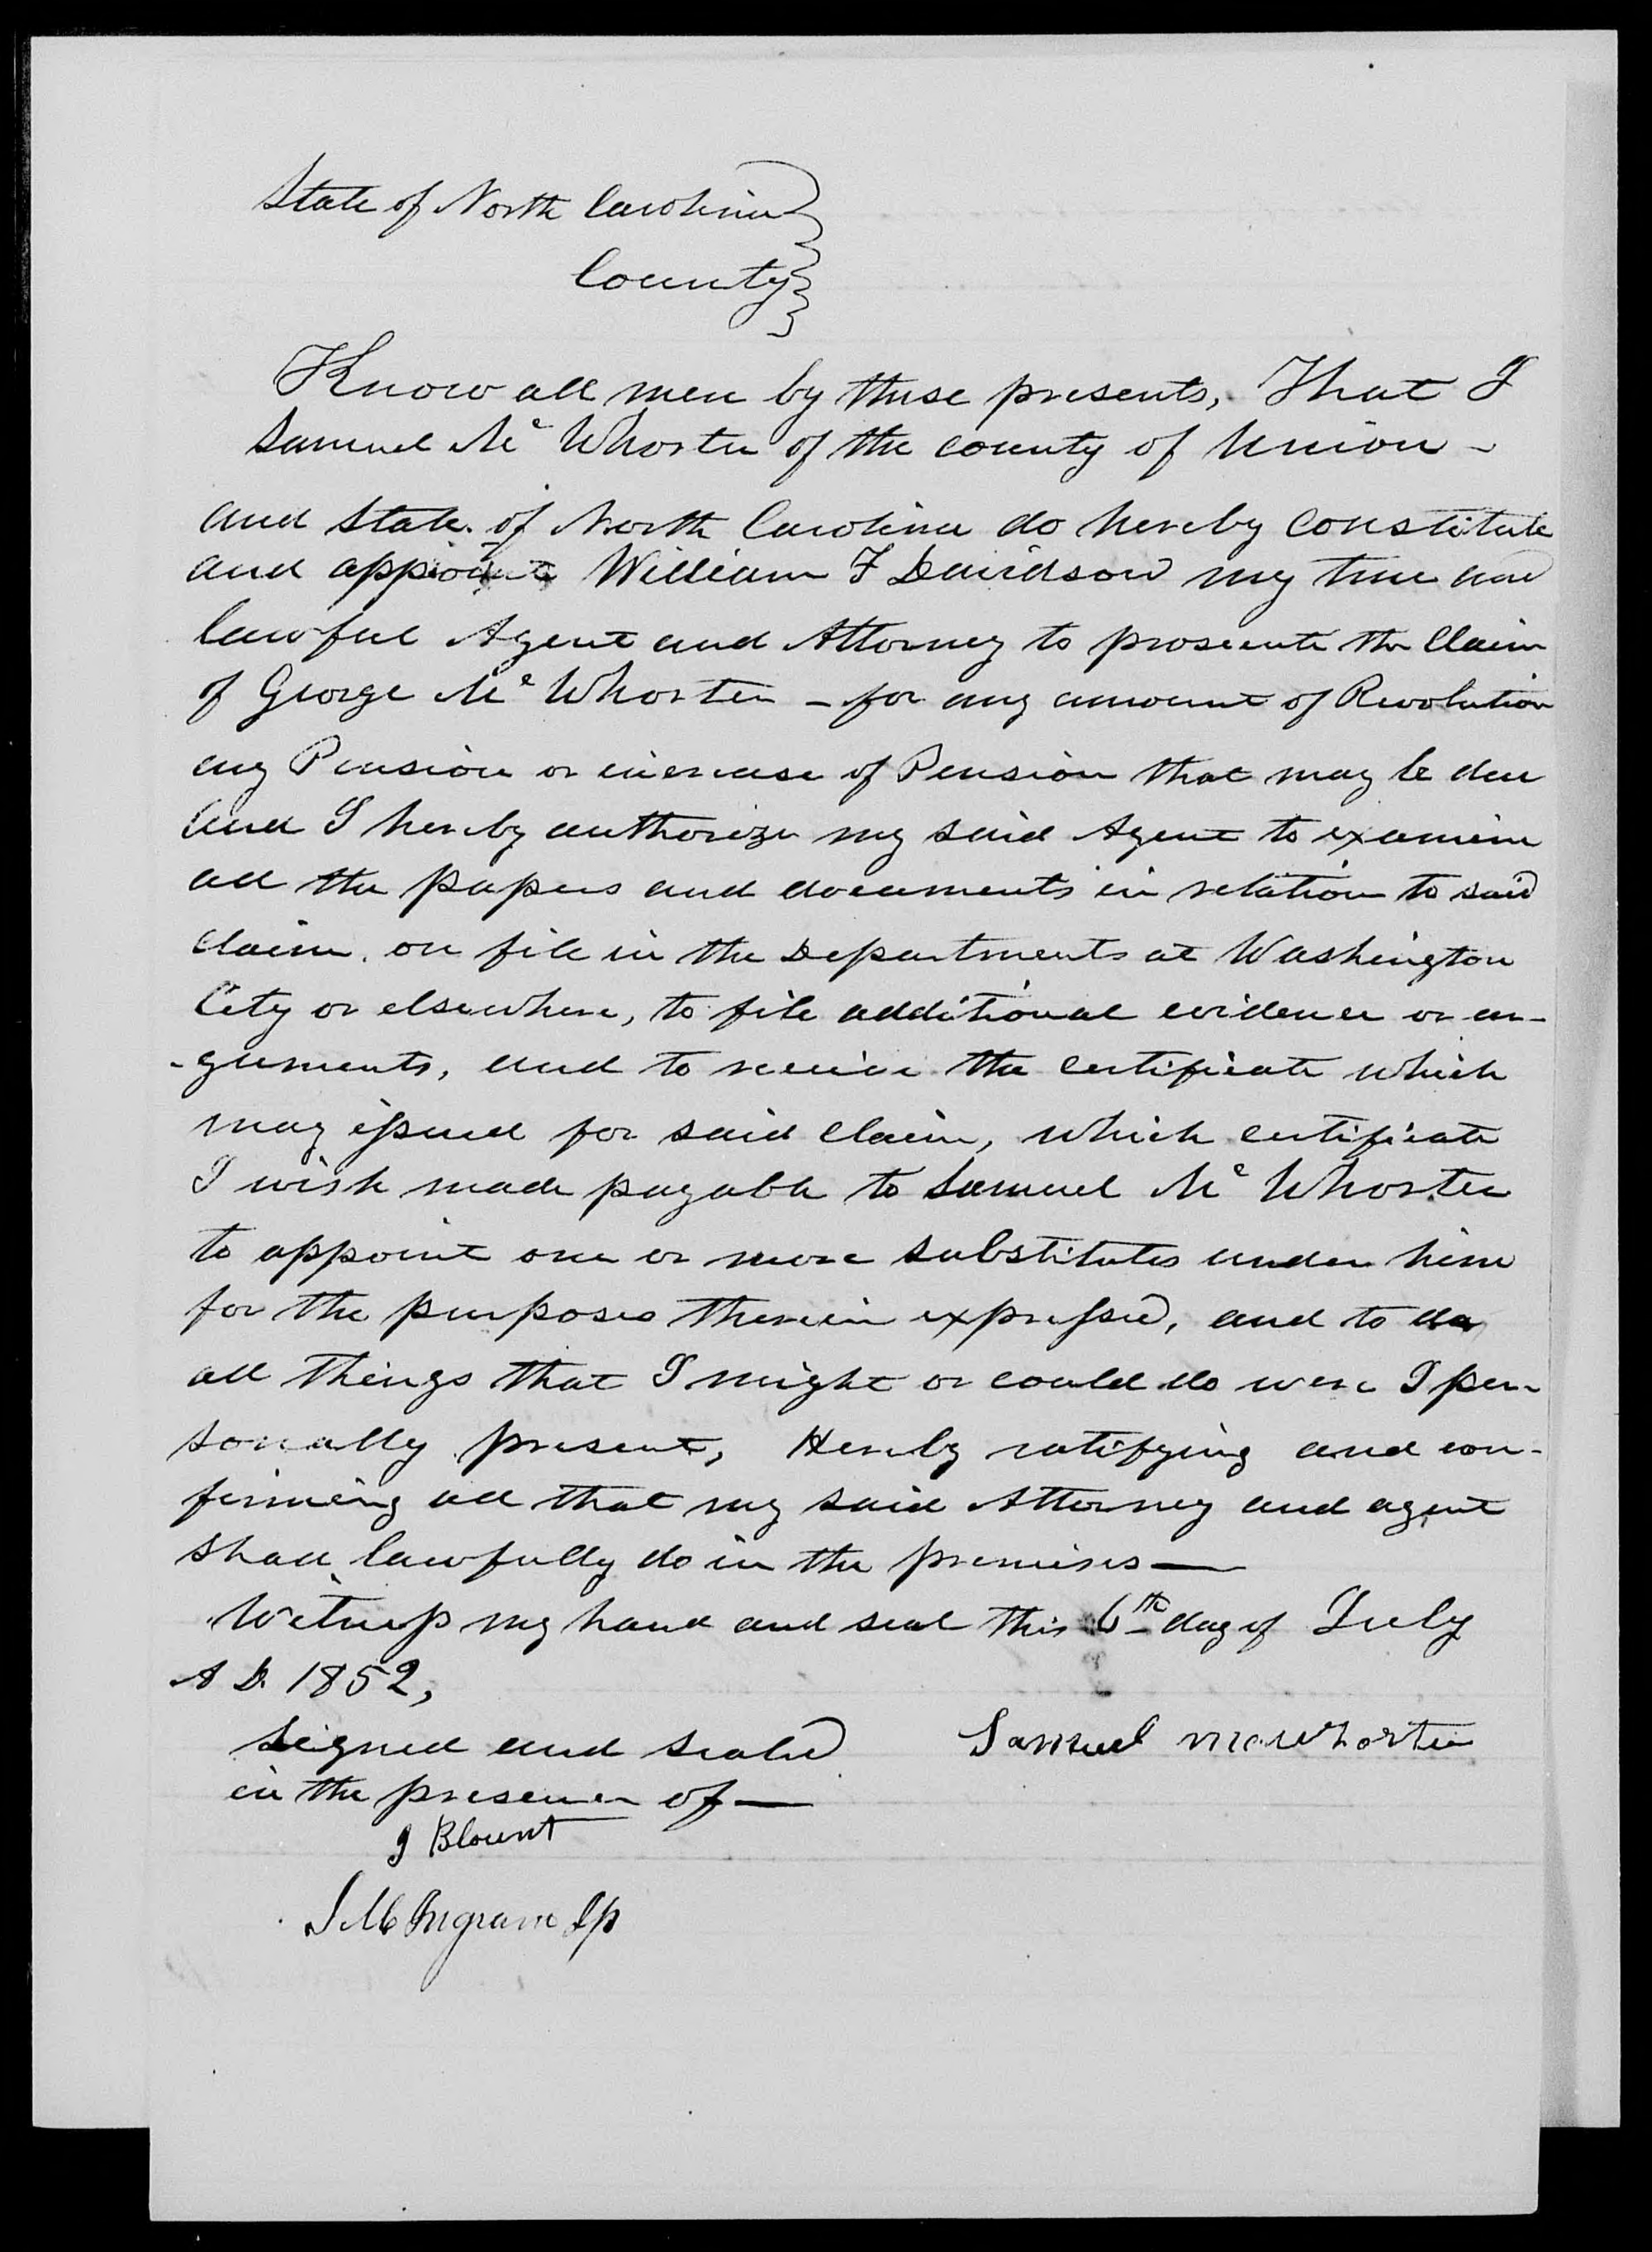State of North Carolina
County
Know all men by these presents, That I Samuel McWhorter of the county of Union and State of North Carolina do hereby constitute and approve William F. Davidson my true and lawful Agent and Attorney to prosecute the Claim of George McWhorter for any amount of Revolutionary Pension or increase of Pension that may be due and I hereby authorize my said Agent to examine all the papers and documents in relation to said claim on file in the Departments at Washington City or elsewhere, to file additional evidence or agreements, and to receive the certificate which may issued for said claim, which certificate I wish made payable to Samuel McWhorter to appoint one or more substitutes under him for the purposes therein expressed, and to do all things that I might or could do, were I personally present, Hereby ratifying and conferring all that my said Attorney and agent shall lawfully do in the premises--
Witness my hand and seal this 6th day of July A.D. 1852
Signed and sealed in the presence of--
J Blount ( signed )
JM Ingram, ( signed )  JP
Samuel McWhorter ( signed )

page: 4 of 35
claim: survivor's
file: S. 9,011, for George Mc Whorter, North Carolina